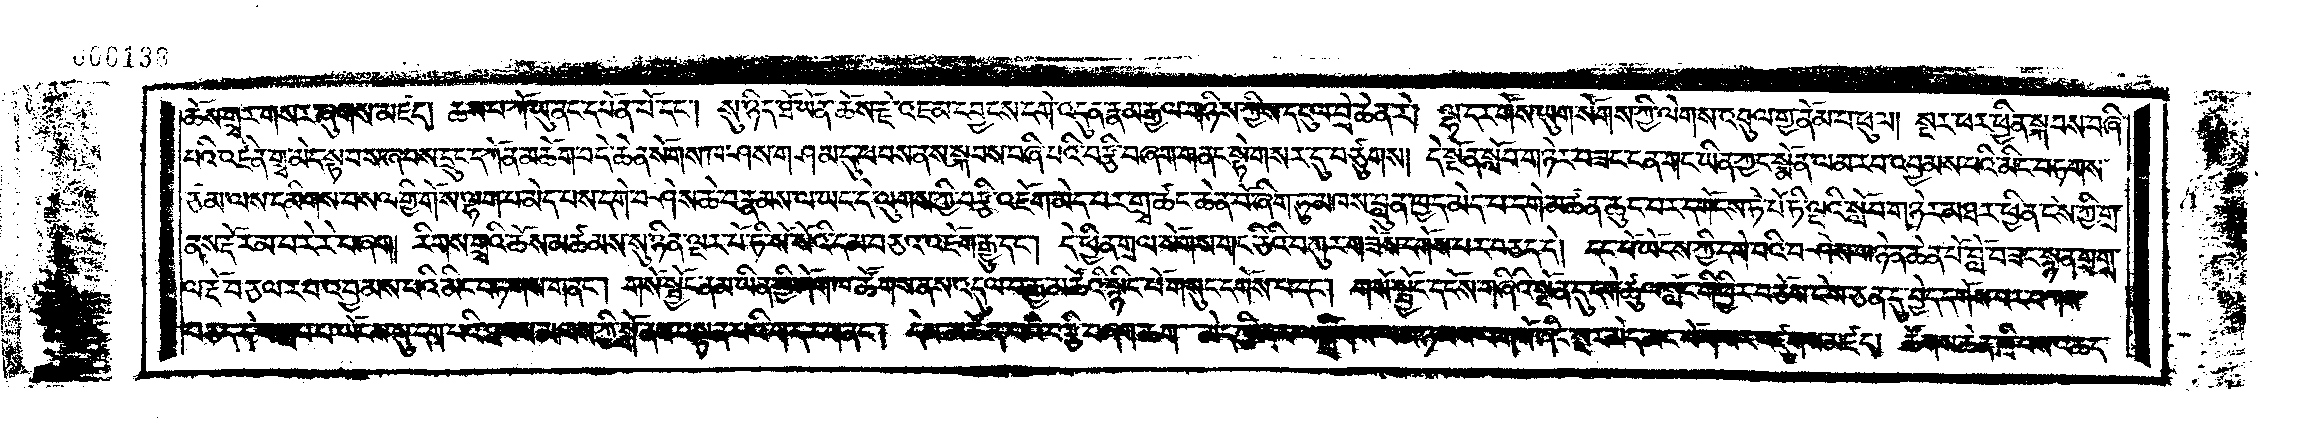ཆོས་གྲྭར་གསར་ཞུགས་མཛད། ཆས་པ་ཀོ་ཡུ་ནང་དཔོན་པོ་དང་། སུ་ཉིད་ཐོ་ཡོན་ཆོས་རྗེ་འཇམ་དབྱངས་དགེ་འདུན་རྣམ་རྒྱལ་གཉིས་ཀྱིས་དངུལ་བྲེ་ཆེན་རེ། ལྷ་དར་གོས་ཡུག་སོགས་ཀྱི་ལེགས་འབུལ་གྱ་ནོམ་པ་ཕུལ། སྔར་ཕར་ཕྱིན་སྐབས་བཞི་
པའི་འཛིན་གྲྭ་མེད་སྟབས་ཞབས་དྲུང་དཀོན་མཆོག་བདེ་ཆེན་སོགས་ཁ་ཤས་གཤམ་དུ་ཕབས་ནས་སྐབས་བཞི་པའི་བརྩི་བཞག་གནང་སྟེ་གསར་དུ་བཙུགས། དེ་སྔོན་སློབ་གཉེར་བཟང་ངན་གང་ཡིན་ཀྱང་སྨོན་ལམ་རབ་འབྱམས་པའི་མིང་བཏགས་
ཙམ་ལས་དམིགས་བསལ་གྱི་གོ་ས་ལྷག་པ་མེད་པས་དགེ་བཤེས་ཆེ་བ་རྣམས་ལ་ཡང་དེ་ལུགས་ཀྱི་བརྩི་འཇོག་མེད་པར་གྲྭ་ཚང་ཆེན་པོ་ཞིག་ཏུ་མཁས་བླུན་ཁྱད་མེད་པ་དགེ་མཚན་ཆུང་བར་དགོངས་ཏེ་པོ་ཏི་ལྔའི་སློབ་གཉེར་མཐར་ཕྱིན་ངེས་ཀྱི་གྲ་
ནས་རྡོ་རམ་པ་རེ་རེ་བཞག། རིགས་གྲྭའི་ཆོས་མཚམས་སུ་ཉིན་ལྔར་པོ་ཏི་སོ་སོའི་དམ་བཅའ་འཇོག་རྒྱུ་དང་། དེ་ཕྱིན་གྲལ་སོགས་གང་ཅིའི་བཀུར་གཟོས་དགོས་པར་བཅད་དེ། དང་པོ་ཡོངས་ཀྱི་དགེ་བའི་བཤེས་གཉེན་ཆེན་པོ་བློ་བཟང་སྙན་གྲགས་
ལ་རྡོ་བཅལ་རབ་འབྱམས་པའི་མིང་བཏགས་གནང་། གསོ་སྦྱོང་ནམ་ཡིན་གྱི་ཞོག་ཁ་ཚོགས་ནས་འདུལ་བ་རྒྱ་མཚོའི་སྙིང་པོ་གསུང་དགོས་པ་དང་། གསོ་སྦྱོང་དངོས་གཞིའི་སྔོན་དུ་དགེ་ཚུལ་སློང་གི་ཕྱིར་བཅོས་ངེས་ཅན་དུ་བྱེད་དགོས་པར་བཀས་
བཅད་དེ་བསླབ་པ་ཡོངས་སུ་དག་པའི་ཐབས་མཁས་ཀྱི་སྒོ་ནས་བསྟན་པའི་ག་དར་གནང་། དེས་མཚོན་པའི་བརྩི་བཞག་ཆག་མེད་ཀྱི་ཞར་ལ་སྒྲིགས་ལམ་ཉམས་པ་གསོ་ཞིང་སྔར་མེད་མང་པོ་གསར་འཛུགས་མཛད། ཚོགས་ཆེན་ཁྲི་བས་འཆད་